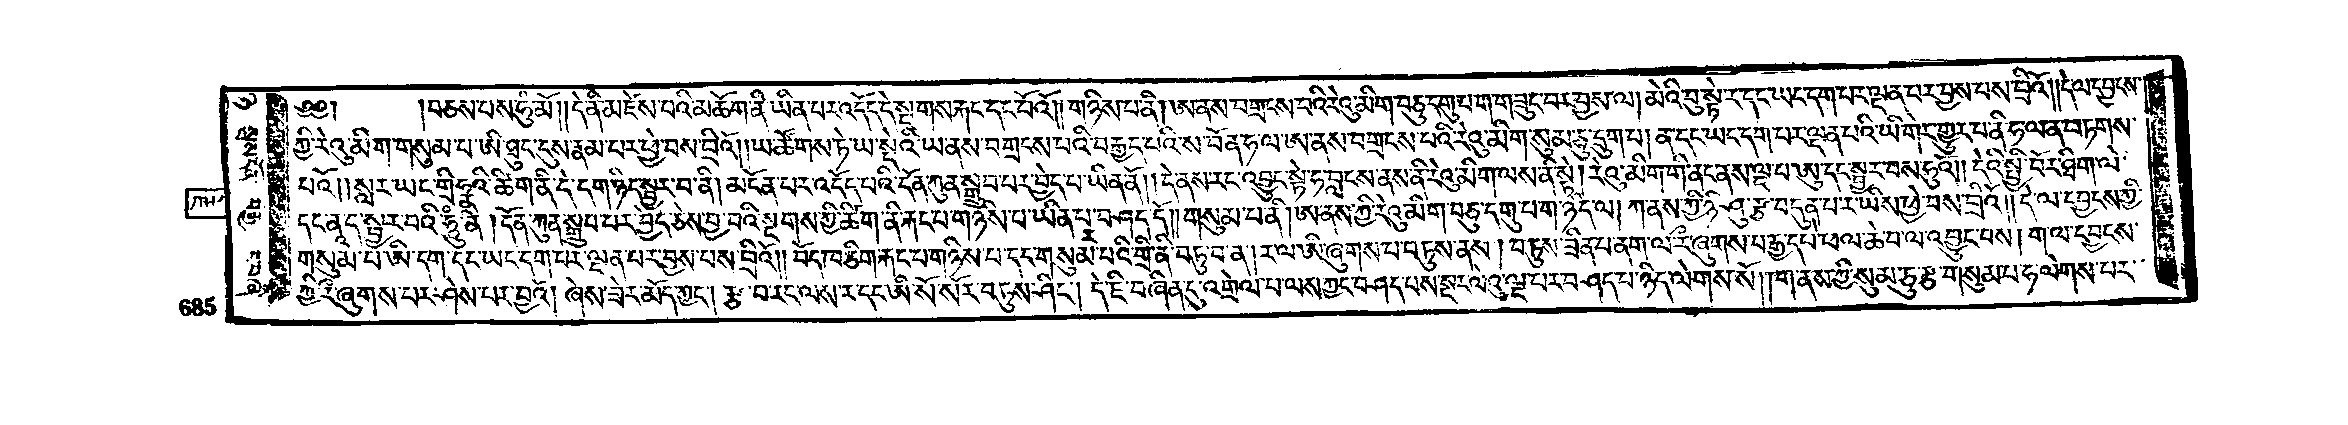༄༅། །བཅས་པས་ཧུཾ་མོ། །དེ་ནི་མཛེས་པའི་མཆོག་ནི་ཡིན་པར་འདོད་དེ་སྔགས་རྐང་དང་པོའོ། །གཉིས་པ་ནི། ཨ་ནས་བགྲངས་པའི་རེའུ་མིག་བཅུ་དགུ་པ་ག་གཟུང་བར་བྱས་ལ། མེའི་བུ་སྟེ་ར་དང་ཡང་དག་པར་ལྡན་པར་བྱས་པས་བྲིའོ། །དེ་ལ་དབྱངས་
ཀྱི་རེའུ་མིག་གསུམ་པ་ཨི་ཐུང་དུས་རྣམ་པར་ཕྱེ་བས་གྲིའོ། །ཡ་ཚོགས་ཏེ་ཡ་སྡེའི་ཡ་ནས་བགྲངས་པའི་བརྒྱད་པའི་ས་བོན་ཧ་ལ་ཨ་ནས་བགྲངས་པའི་རེའུ་མིག་སུམ་ཅུ་དྲུག་པ། ན་དང་ཡང་དག་པར་ལྡན་པའི་ཡི་གེར་གྱུར་པ་ནི་ཧ་ལ་ན་བཏགས་
པའོ། །སླར་ཡང་གྲིཧྣའི་ཚིག་ནི་དེ་དག་ཉིད་སྦྱར་བ་ནི། མངོན་པར་འདོད་པའི་དོན་ཀུན་སྒྲུབ་པར་བྱེད་པ་ཡིན་ནོ། །དེ་ནས་རང་འབྱུང་སྟེ་ཧ་བླངས་ནས་ནི་རེའུ་མིག་ལས་ནི་སྟེ། རེའུ་མིག་གི་ནང་ནས་ལྔ་པ་ཨུ་དང་སྦྱར་བས་ཧུའོ། །དེའི་སྤྱི་བོར་ཐིག་ལེ་
དང་ནཱ་ད་སྦྱར་བའི་ཧཱུཾ་ནི། དོན་ཀུན་སྒྲུབ་པར་བྱེད་ཅེས་བྱ་བའི་སྔགས་ཀྱི་ཚིག་ནི་རྐང་པ་གཉིས་པ་ཡིན་པ་བཤད་དོ། །གསུམ་པ་ནི། ཨ་ནས་ཀྱི་རེའུ་མིག་བཅུ་དགུ་པ་ག་ཉིད་ལ། ཀ་ནས་ཀྱི་ཉི་ཤུ་རྩ་བདུན་པ་ར་ཡིས་ཕྱེ་བས་བྲིའོ། །དེ་ལ་དབྱངས་ཀྱི་
གསུམ་པ་ཨི་དག་དང་ཡང་དག་པར་ལྡན་པར་བྱས་པས་བྲིའོ། །བོད་ཁ་ཅིག་རྐང་པ་གཉིས་པ་དང་གསུམ་པའི་གྲི་ནི་བཏུ་བ་ན། ར་ལ་ཨི་ཞུགས་པ་བཏུས་ནས། བཏུས་ཟིན་པ་ནག་ལ་རྀ་ཞུགས་པ་རྒྱད་པ་ཕལ་ཆེ་བ་ལ་འབྱུང་བས། ག་ལ་དབྱངས་
ཀྱི་རྀ་ཞུགས་པར་ཤེས་པར་བྱའོ། ཞེས་ཟེར་མོད་ཀྱང་། རྩ་བ་རང་ལས་ར་དང་ཨི་སོ་སོར་བཏུས་ཤིང་། དེ་ཇི་བཞིན་དུ་འགྲེལ་པ་ལས་ཀྱང་བཤད་པས་སྔར་ལེའུ་ལྔ་པར་བཤད་པ་ཉིད་ལེགས་སོ། །ཀ་ནས་ཀྱི་སུམ་ཅུ་རྩ་གསུམ་པ་ཧ་ལེགས་པར་